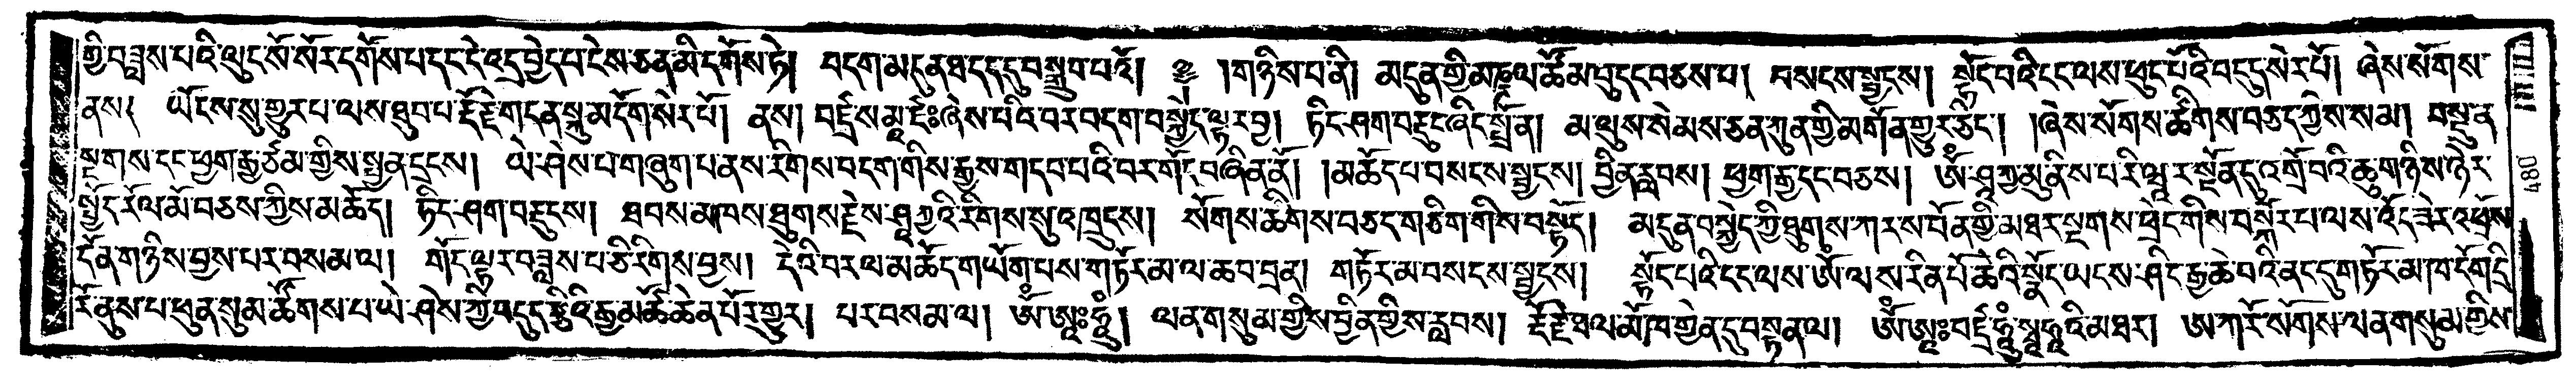གྱི་བཟླས་པའི་ལུང་སོ་སོར་དགོས་པ་དང་དེ་འདྲ་བྱེད་པ་ངེས་ཅན་མི་དགོས་ཏེ། བདག་མདུན་ཐ་དད་དུ་བསྒྲུབ་པའོ། ༈ །གཉིས་པ་ནི། མདུན་གྱི་མཎྜལ་ཚོམ་བུ་དང་བཅས་པ། བསངས་སྦྱངས། སྟོང་པའི་ངང་ལས་ཕུང་པོའི་བདུད་སེར་པོ། ཞེས་སོགས་
ནས༑ ཡོངས་སུ་གྱུར་པ་ལས་ཐུབ་པ་རྡོ་རྗེ་གདན་སྐུ་མདོག་སེར་པོ། ནས། བཛྲ་ས་མཱ་ཛཿཞེས་པའི་བར་བདག་བསྐྱེད་ལྟར་བྱ། ཏིང་ཤག་བརྡུང་ཞིང་སྤྲོ་ན། མ་ལུས་སེམས་ཅན་ཀུན་གྱི་མགོན་གྱུར་ཅིང་། །ཞེས་སོགས་ཚིགས་བཅད་ཀྱིས་སམ། བསྡུ་ན་
སྔགས་དང་ཕྱག་རྒྱ་ཙམ་གྱིས་སྤྱན་དྲངས། ཡེ་ཤེས་པ་གཞུག་པ་ནས་རིགས་བདག་གིས་རྒྱས་གདབ་པའི་བར་གོང་བཞིན་ནོ། །མཆོད་པ་བསངས་སྦྱངས། བྱིན་རླབས། ཕྱག་རྒྱ་དང་བཅས། ཨོཾ་ཤཱཀྱ་མུ་ནི་ས་པ་རི་ཝཱ་ར་སྔོན་དུ་འགྲོ་བའི་ཆུ་གཉིས་ཉེར་
སྤྱོད་རོལ་མོ་བཅས་ཀྱིས་མཆོད། ཏིང་ཤག་བརྡུངས། ཐབས་མཁས་ཐུགས་རྗེས་ཤཱཀྱའི་རིགས་སུ་འཁྲུངས། སོགས་ཚིགས་བཅད་གཅིག་གིས་བསྟོད། མདུན་བསྐྱེད་ཀྱི་ཐུགས་ཀར་ས་བོན་གྱི་མཐར་སྔགས་ཕྲེང་གིས་བསྐོར་པ་ལས་འོད་ཟེར་འཕྲོས་
དོན་གཉིས་བྱས་པར་བསམ་ལ། གོང་ལྟར་བཟླས་པ་ཅི་རིགས་བྱས། དེའི་བར་ལ་མཆོད་གཡོག་པས་གཏོར་མ་ལ་ཆབ་བྲན། གཏོར་མ་བསངས་སྦྱངས། སྟོང་པའི་ངང་ལས་ཨོཾ་ལས་རིན་པོ་ཆེའི་སྣོད་ཡངས་ཤིང་རྒྱ་ཆེ་བའི་ནང་དུ་གཏོར་མ་ཁ་དོག་དྲི་
རོ་ནུས་པ་ཕུན་སུམ་ཚོགས་པ་ཡེ་ཤེས་ཀྱི་བདུད་རྩིའི་རྒྱ་མཚོ་ཆེན་པོར་གྱུར། པར་བསམ་ལ། ཨོཾ་ཨཱཿཧཱུཾ། ལན་གསུམ་གྱིས་བྱིན་གྱིས་རླབས། རྡོ་རྗེ་ཐལ་མོ་ཁ་གྱེན་དུ་བསྟན་ལ། ཨོཾ་ཨཱཿབཛྲ་ཧཱུཾ་སྭཱཧཱའི་མཐར། ཨ་ཀ་རོ་སོགས་ལན་གསུམ་གྱིས་